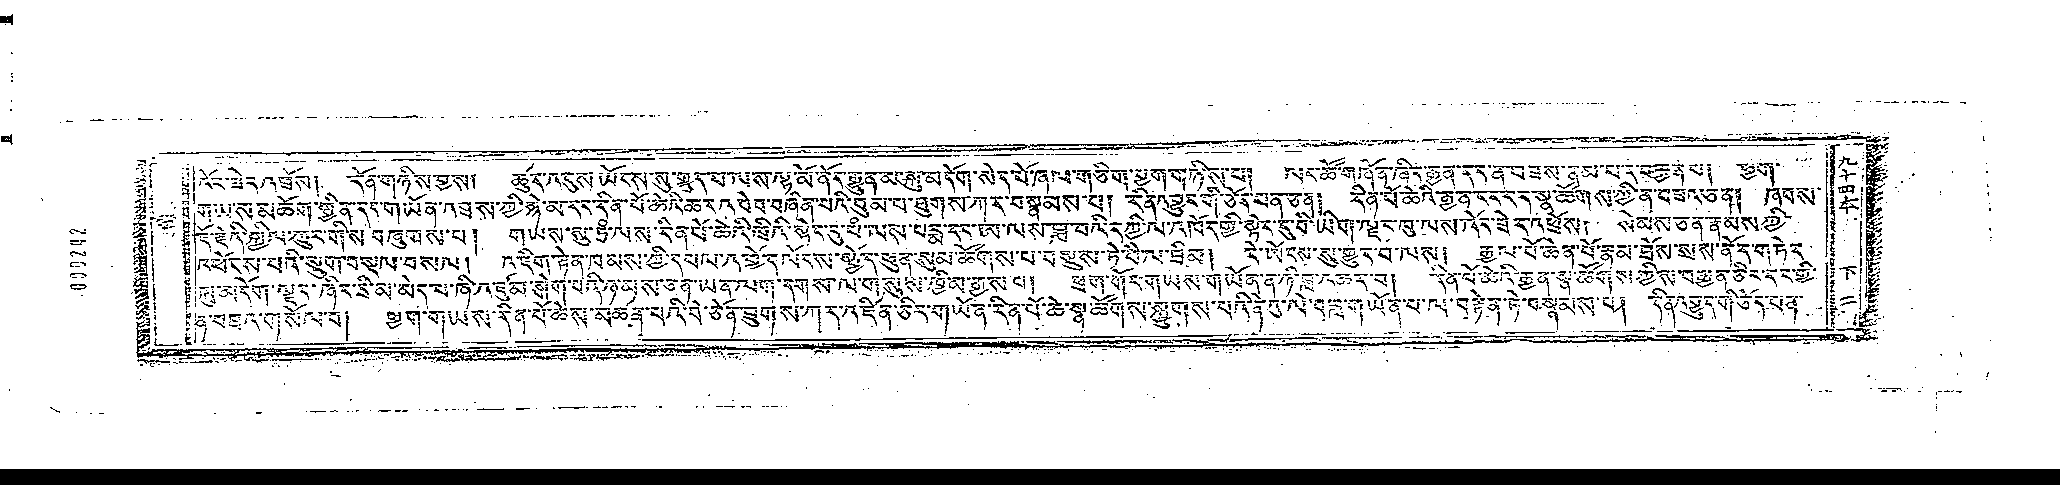འོད་ཟེར་འཕྲོས། །དོན་གཉེས་བྱས། ཚུར་འདུས་ཡོངས་སུ་གྱུར་པ་ལས་ལྷ་མོ་ནོར་རྒྱུན་མ་སྐུ་མདོག་སེར་པོ་ཞལ་གཅིག་ཕྱག་གཉིས་པ། །ལང་ཚོ་གཞོན་ཞིང་རྒྱན་དང་ན་བཟས་རྣམ་པར་བརྒྱན་པ། ཕྱག་
གཡས་མཆོག་སྦྱིན་དང་གཡོན་འབྲས་ཀྱི་སྙེམ་དང་རིན་པོ་ཆེའི་ཆར་འབེབ་བཞིན་པའི་བུམ་པ་ཐུགས་ཀར་བསྣམས་པ། རིན་འབྱུང་གི་ཅོད་པན་ཅན། རིན་པོ་ཆེའི་རྒྱན་དང་དར་སྣ་ཚོགས་ཀྱི་ན་བཟའ་ཅན། ཞབས་
རྡོ་རྗེའི་སྐྱིལ་ཀྲུང་གིས་བཞུགས་པ། །གཡས་སུ་ཏཾ་ལས་རིན་པོ་ཆེའི་ཁྲིའི་སྟེང་དུ་བཾ་ལས་པདམ་དང་ཨ་ལས་ཟླ་བའི་དཀྱིལ་འཁོར་གྱི་སྟེང་དུ་བཻ་ཡིག་ལྗང་ཁུ་ལས་འོད་ཟེར་འཕྲོས། སེམས་ཅན་རྣམས་ཀྱི་
འཕོངས་པའི་སྡུག་བསྔལ་བསལ། འཇིག་རྟེན་ཁམས་ཀྱི་དཔལ་འབྱོར་ལོངས་སྦྱོང་ཕུན་སུམ་ཚོགས་པ་བསྡུས་ཏེ་བཻ་ལ་ཐིམ། དེ་ཡོངས་སུ་གྱུར་པ་ལས། །རྒྱལ་པོ་ཆེན་པོ་རྣམ་ཐོས་སྲས་ནོར་གཏེར་
སྐུ་མདོག་ལྗང་ཞིང་དྲི་མ་མེད་པ་ཞི་འཛུམ་སྒེག་པའི་ཉམས་ཅན་ཡན་ལག་རགས་ལ་གསུས་ཁྱིམ་རྒྱས་པ། །ཕྲག་གོང་གཡས་གཡོན་ན་ཉི་ཟླ་འཆར་བ། །རིན་པོ་ཆེའི་རྒྱན་སྣ་ཚོགས་ཀྱིས་བརྒྱན་ཅིང་དར་གྱི་
ན་བཟའ་གསོལ་བ། །ཕྱག་གཡས་རིན་པོ་ཆེས་མཚན་པའི་བེ་ཅོན་ཐུགས་ཀར་འཛིན་ཅིང་གཡོན་རིན་པོ་ཆེ་སྣ་ཚོགས་སྒྱུགས་བའི་ནེའུ་ལེ་བརླ་གཡོན་པ་ལ་བརྟེན་ཏེ་བསྣམས་པ། རིན་འབྱུང་གི་ཅོད་པན་